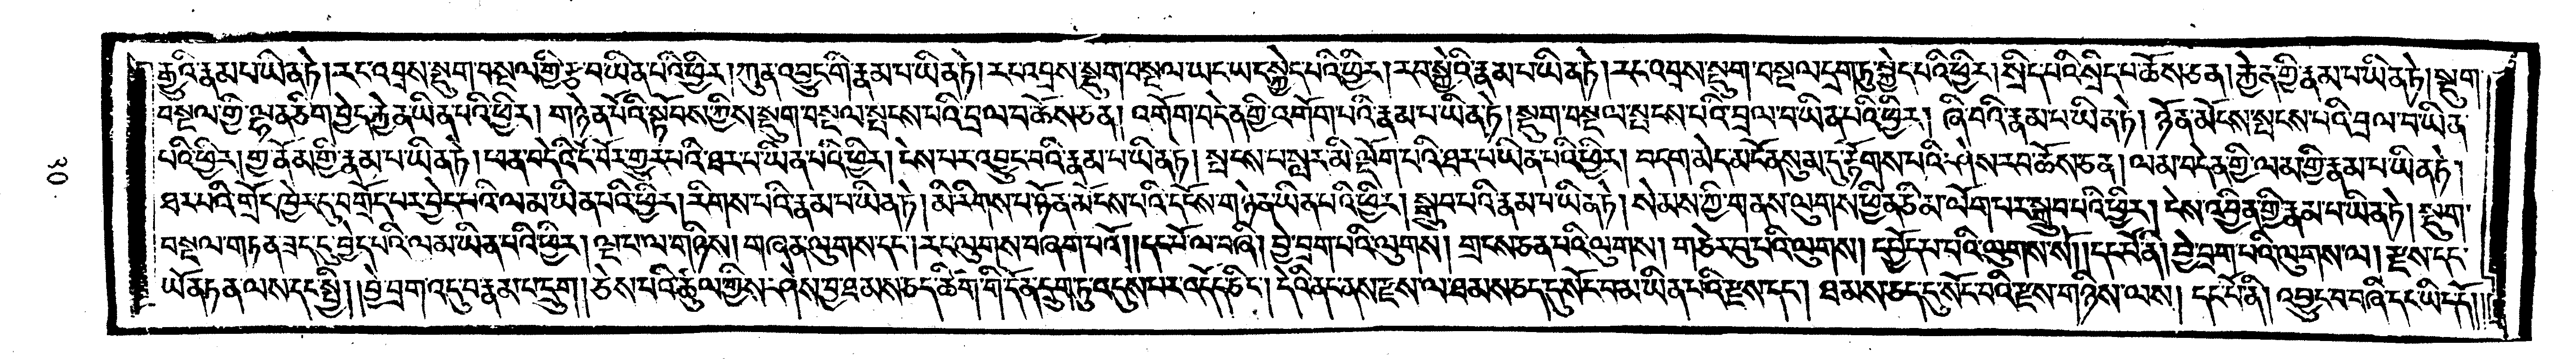རྒྱུའི་རྣམ་པ་ཡིན་ཏེ། རང་འབྲས་སྡུག་བསྔལ་གྱི་རྩ་བ་ཡིན་པའི་ཕྱིར། ཀུན་འབྱུང་གི་རྣམ་པ་ཡིན་ཏེ། རང་འབྲས་སྡུག་བསྔལ་ཡང་ཡང་སྐྱེད་པའི་ཕྱིར། རང་སྐྱེའི་རྣམ་པ་ཡིན་ཏེ། རང་འབྲས་སྡུག་བསྔལ་དྲག་ཏུ་སྐྱེད་པའི་ཕྱིར། སྲིད་པའི་སྲེད་པ་ཆོས་ཅན། རྐྱེན་གྱི་རྣམ་པ་ཡིན་ཏེ། སྡུག་
བསྔལ་གྱི་ལྷན་ཅིག་བྱེད་རྐྱེན་ཡིན་པའི་ཕྱིར། གཉེན་པོའི་སྟོབས་ཀྱིས་སྡུག་བསྔལ་སྤངས་པའི་བྲལ་བ་ཆོས་ཅན། འགོག་བདེན་གྱི་འགོག་པའི་རྣམ་པ་ཡིན་ཏེ། སྡུག་བསྔལ་སྤངས་པའི་བྲལ་བ་ཡིན་པའི་ཕྱིར། ཞི་བའི་རྣམ་པ་ཡིན་ཏེ། ཉོན་མོངས་སྤངས་པའི་བྲལ་བ་ཡིན་
པའི་ཕྱིར། གྱ་ནོམ་གྱི་རྣམ་པ་ཡིན་ཏེ། ཕན་བདེའི་ངོ་བོར་གྱུར་པའི་ཐར་པ་ཡིན་པའི་ཕྱིར། ངེས་པར་འབྱུང་བའི་རྣམ་པ་ཡིན་ཏེ། སྤངས་པ་སླར་མི་ལྡོག་པའི་ཐར་པ་ཡིན་པའི་ཕྱིར། བདག་མེད་མངོན་སུམ་དུ་རྟོགས་པའི་ཤེས་རབ་ཆོས་ཅན། ལམ་བདེན་གྱི་ལམ་གྱི་རྣམ་པ་ཡིན་ཏེ།
ཐར་པའི་གྲོང་ཁྱེར་དུ་བགྲོད་པར་བྱེད་པའི་ལམ་ཡིན་པའི་ཕྱིར། རིགས་པའི་རྣམ་པ་ཡིན་ཏེ། མི་རིགས་པ་ཉོན་མོངས་པའི་དངོས་གཉེན་ཡིན་པའི་ཕྱིར། སྒྲུབ་པའི་རྣམ་པ་ཡིན་ཏེ། སེམས་ཀྱི་གནས་ལུགས་ཕྱིན་ཅི་མ་ལོག་པར་སྒྲུབ་པའི་ཕྱིར། ངེས་འབྱིན་གྱི་རྣམ་པ་ཡིན་ཏེ། སྡུག་
བསྔལ་གཏན་ཟད་དུ་བྱེད་པའི་ལམ་ཡིན་པའི་ཕྱིར། ལྔ་པ་ལ་གཉིས། གཞན་ལུགས་དང་། རང་ལུགས་བཞག་པའོ། །དང་པོ་ལ་བཞི། བྱེ་བྲག་པའི་ལུགས། གྲངས་ཅན་པའི་ལུགས། གཅེར་བུ་པའི་ལུགས། དཔྱོད་པ་པའི་ལུགས་སོ། །དང་པོ་ནི། བྱེ་བྲག་པའི་ལུགས་ལ། རྫས་དང་
ཡོན་ཏན་ལས་དང་སྤྱི། །བྱེ་བྲག་འདུ་བ་རྣམ་པ་དྲུག །ཅེས་པའི་ཚུལ་གྱིས་ཤེས་བྱ་ཐམས་ཅད་ཚིག་གི་དོན་དྲུག་ཏུ་འདུས་པར་འདོད་ཅིང་། དེའི་ནང་ནས་རྫས་ལ་ཐམས་ཅད་དུ་སོང་བ་མ་ཡིན་པའི་རྫས་དང་། ཐམས་ཅད་དུ་སོང་བའི་རྫས་གཉིས་ལས། དང་པོ་ནི། འབྱུང་བ་བཞི་དང་ཡིད་དོ། །